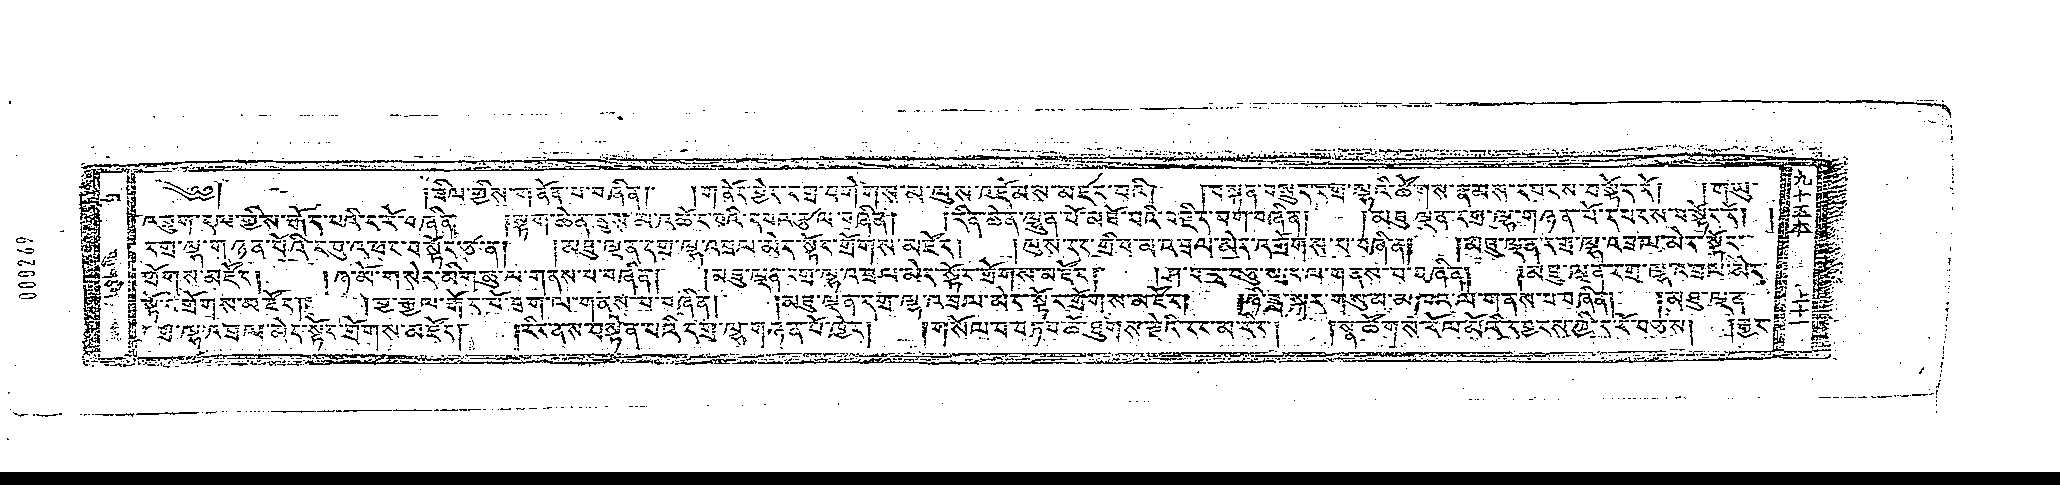༄༅། །ཟིལ་གྱིས་གནོན་པ་བཞིན། །གནོད་བྱེད་དགྲ་བགེགས་མ་ལུས་འཇོམས་མཛད་པའི། །བསྟན་བསྲུང་དགྲ་ལྷའི་ཚོགས་རྣམས་དཔངས་བསྟོད་དོ། །གཡུ་
འབྲུག་དལ་གྱིས་རྒོད་པའི་ང་རོ་བཞིན། །སྟག་ཆེན་དྲུས་མ་འཆོད་བའི་དཔའ་རྩལ་བཞིན། །རིན་ཆེན་ལྷུན་པོ་མཐོ་བའི་བརྗིད་བག་བཞིན། །མཐུ་ལྡན་དགྲ་ལྷ་གཉན་པོ་དཔངས་བསྟོད་དོ། །
དགྲ་ལྷ་གཉན་པོའི་དབུ་འཕང་བསྟོད་ཙ་ན། །མཐུ་ལྡན་དགྲ་ལྷ་འབྲལ་མེད་སྟོང་གྲོགས་མཛོད། །ལུས་དང་གྲིབ་མ་འབྲལ་མེད་འགྲོགས་པ་བཞིན། །མཐུ་ལྡན་དགྲ་ལྷ་འབྲལ་མེད་སྟོད་
གྲོགས་མཛོད། །ཉ་མོ་གསེར་མིག་ཆུ་ལ་གནས་པ་བཞིན། །མཐུ་ལྡན་དགྲ་ལྷ་འབྲལ་མེད་སྟོང་གྲོགས་མཛོད། །ཤ་བ་རྭ་བཅུ་སྤང་ལ་གནས་པ་བཞིན། །མཐུ་ལྡན་དགྲ་ལྷ་འབྲལ་མེད་
སྟོང་གྲོགས་མཛད། །བྱ་རྒྱལ་རྒོད་པོ་བྲག་ལ་གནས་པ་བཞིན། །མཐུ་ལྡན་དགྲ་ལྷ་འབྲལ་མེད་སྟོང་གྲོགས་མཛོད། །ཉི་ཟླ་སྐར་གསུམ་མཁའ་ལ་གནས་པ་བཞིན། །མཐུ་ལྡན་
དགྲ་ལྷ་འབྲལ་མེད་སྟོང་གྲོགས་མཛོད། །རིང་ནས་བསྟེན་པའི་དགྲ་ལྷ་གཉན་པོ་ཁྱེད། །གསོལ་བ་བཏབ་ཆོ་ཐུགས་རྗེའི་དང་མ་རིང་། །སྣ་ཚོགས་རོལ་མོའི་དབྱངས་ཀྱི་ང་རོ་བཅས། །རྒྱད་